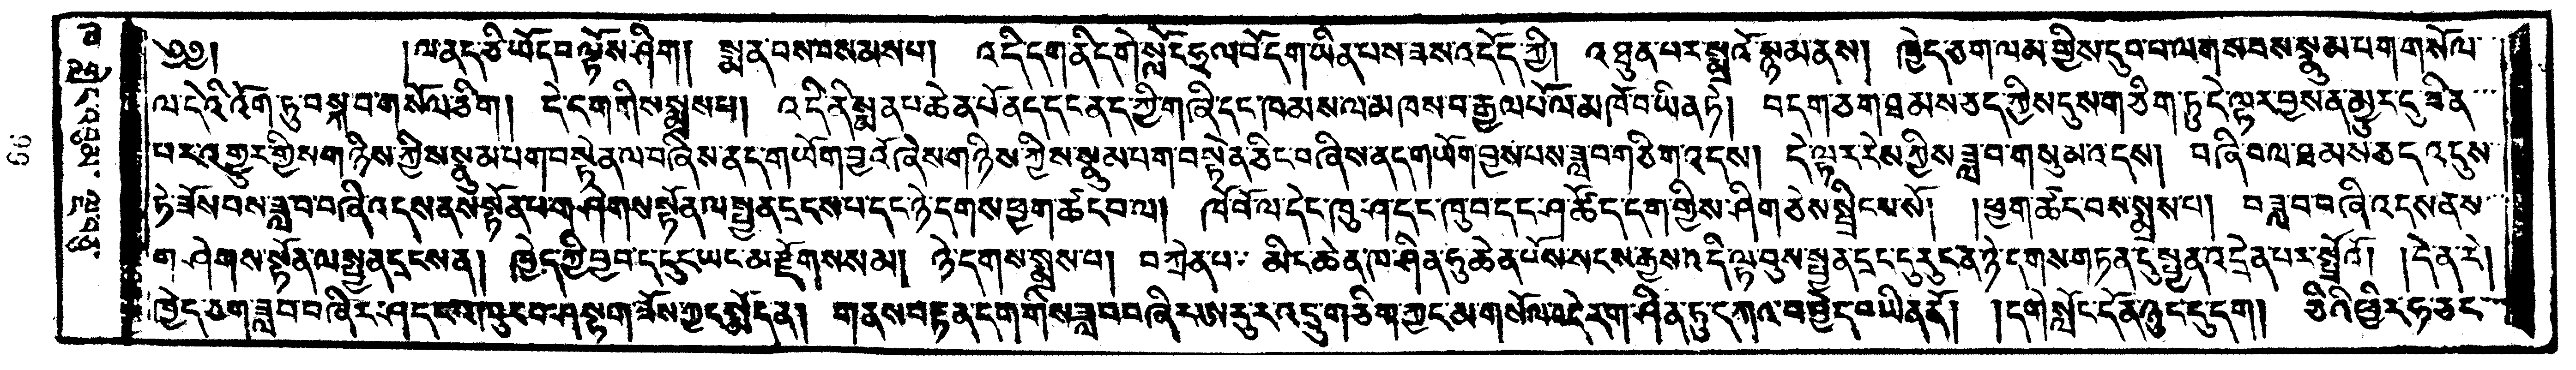༄༅། །ལ་ནད་ཅི་ཡོད་བལྟོས་ཤིག། སྨན་བས་བསམས་པ། འདི་དག་ནི་དགེ་སློང་ཧྲལ་བོ་དག་ཡིན་པས་ཟས་འདོད་ཀྱི། འཐུན་པར་སྨྲའོ་སྙམ་ནས། ཁྱེད་ཅག་ལམ་གྱིས་དུབ་པ་ལགས་བས་སྣུམ་པ་གསོལ་
ལ་དེའི་འོག་ཏུ་བསྐབ་གསོལ་ཅིག། དེ་དག་གིས་སྨྲས་པ། འདི་ནི་སྨན་པ་ཆེན་པོ་ནད་དང་ནད་ཀྱི་གཞི་དང་ཁམས་ལ་མཁས་བ་རྒྱལ་པོ་ལ་མཁོ་བ་ཡིན་ཏེ། བདག་ཅག་ཐམས་ཅད་ཀྱིས་དུས་གཅིག་ཏུ་དེ་ལྟར་བྱས་ན་མྱུར་དུ་ཟིན་
པར་འགྱུར་གྱིས་གཉིས་ཀྱིས་སྣུམ་པག་བསྟེན་ལ་བཞིས་ནད་གཡོག་བྱའོ་ཞེས་གཉིས་ཀྱིས་སྣུམ་པག་བསྟེན་ཅིང་བཞིས་ནད་གཡོག་བྱས་པས་ཟླ་བ་གཅིག་འདས། དེ་ལྟར་རེས་ཀྱིས་ཟླ་བ་གསུམ་འདས། བཞི་བ་ལ་ཐམས་ཅད་འདུས་
ཏེ་ཟོས་བས་ཟླ་བ་བཞི་འདས་ནས་སྟོན་པ་གཤེགས་སྟོན་ལ་སྤྱན་དྲངས་པ་དང་ཉེ་དགས་ཕྱག་ཚང་བ་ལ། ཁོ་བོ་ལ་དེང་ཁུ་ཤ་དང་ཁུ་བ་དང་ཤ་ཚོད་དག་གྱིས་ཤིག་ཅེས་སྦྲིངས་སོ། །ཕྱག་ཚང་བས་སྨྲས་པ། བཟླ་བ་བཞི་འདས་ནས་
གཤེགས་སྟོན་ལ་སྤྱན་དྲངས་ན། ཁྱེད་ཀྱི་བྱབ་ད་དུང་ཡང་མ་རྫོགས་སམ། ཉེ་དགས་སྨྲས་པ། བཀྲེན་པ༑ མིང་ཆེན་ཁ་ཤིན་ཏུ་ཆེན་པོས་སངས་རྒྱས་འདི་ལྟ་བུས་སྤྱན་དྲང་དུ་རུང་ན་ཉེ་དགས་གཏན་དུ་སྤྱན་འདྲེན་པར་སྤྲོའོ། །དེ་ན་རེ།
ཁྱེད་ཅག་ཟླ་བ་བཞིར་ཤ་དང་འཁུར་བ་ཤ་སྟག་ཟོས་ཀྱང་སྨོད་ན། གནས་བརྟན་དག་གིས་ཟླ་བ་བཞིར་ཨ་རུ་ར་འདྲུ་གཅིག་ཀྱང་མ་གསོལ་བདེར་ག་ཤིན་ཏུ་དཀའ་བ་བྱེད་བ་ཡིན་ནོ། །དགེ་སློང་དོན་ཉུང་དུ་དག། ཅིའི་ཕྱིར་ཧ་ཅང་